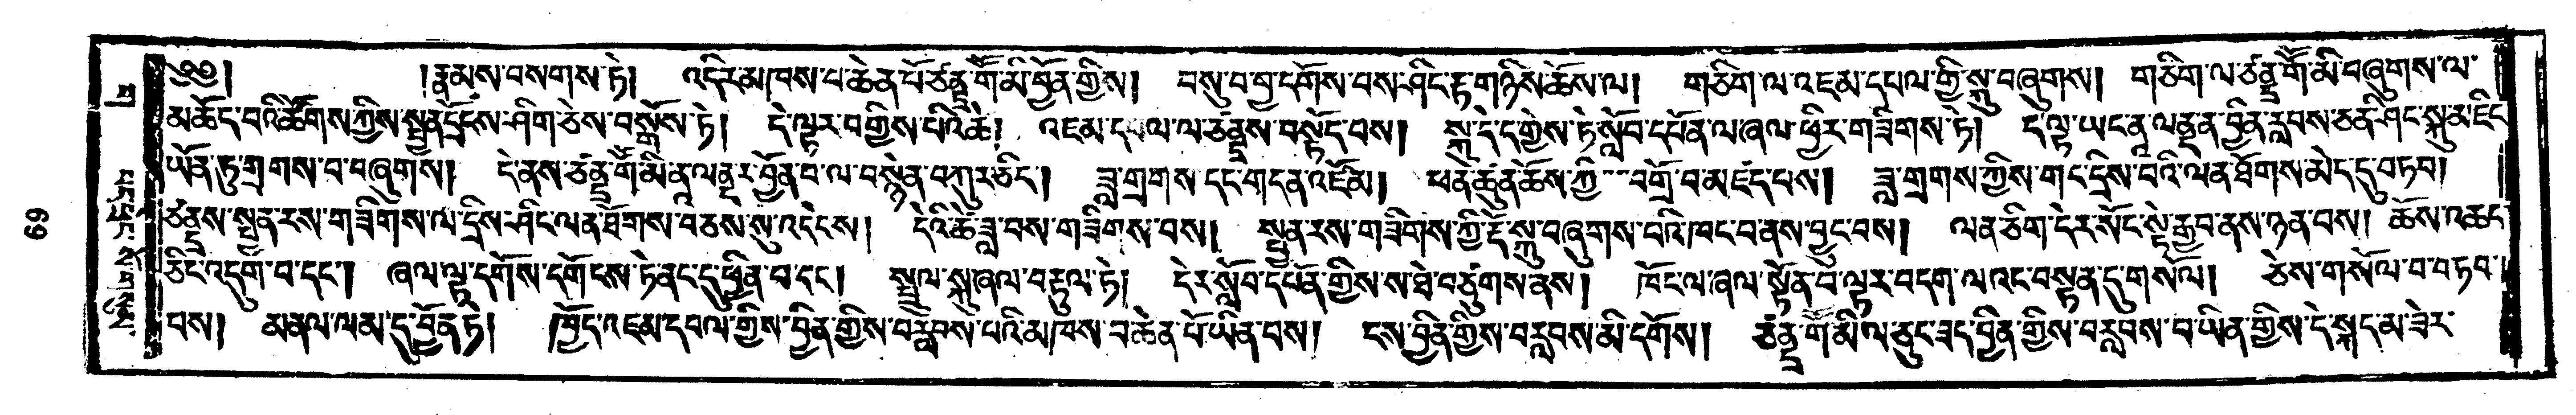༄༅། །རྣམས་བསགས་ཏེ། འདིར་མཁས་པ་ཆེན་པོ་ཙནྡྲ་གཽ་མི་བྱོན་གྱིས། བསུ་བ་བྱ་དགོས་པས་ཤིང་རྟ་གཉིས་ཆོས་ལ། གཅིག་ལ་འཇམ་དཔལ་གྱི་སྐུ་བཞུགས། གཅིག་ལ་ཙནྡྲ་གཽ་མི་བཞུགས་ལ་
མཆོད་པའི་ཚོགས་ཀྱིས་སྤྱན་དྲོངས་ཤིག་ཅེས་བསྒོས་ཏེ། དེ་ལྟར་བགྱིས་པའི་ཆེ། འཇམ་དཔལ་ལ་ཙནྡྲན་བསྟོད་པས། སྐུ་དེ་དགྱེས་ཏེ་སློབ་དཔོན་ལ་ཞལ་ཕྱིར་གཟིགས་ཏེ། དེ་ལྟ་ཡང་ནཱ་ལནྡན་བྱིན་རླབས་ཅན་ཤིང་སྐུ་མཇིང་
ཡོན་ཏུ་གྲགས་པ་བཞུགས། དེ་ནས་ཙནྡྲ་གཽ་མི་ནཱ་ལནྡར་བྱོན་པ་ལ་བསྙེན་བཀུར་ཅིང་། ཟླ་གྲགས་དང་གདན་འཛོམ། ཕན་ཚུན་ཆོས་ཀྱི་འགྲོ་བ་མཛད་པས། ཟླ་གྲགས་ཀྱིས་གང་དྲིས་པའི་ལན་ཐོགས་མེད་དུ་བཏབ།
ཙནྡྲས་སྤྱན་རས་གཟིགས་ལ་དྲིས་ཤིང་ལན་ཐོགས་བཅས་སུ་འདེངས། དེའི་ཚེ་ཟླ་བས་གཟིགས་པས། སྤྱན་རས་གཟིགས་ཀྱི་རྡོ་སྐུ་བཞུགས་པའི་ཁང་བ་ནས་བྱུང་བས། ལན་ཅིག་དེར་སོང་སྟེ་རྒྱབ་ནས་ཉན་བས། ཆོས་འཆད་
ཅིང་འདུག་པ་དང་། ཞལ་ལྟ་དགོས་དགོངས་ཏེ་ནང་དུ་ཕྱིན་པ་དང་། སྤྲུལ་སྐུ་ཞལ་བརྟུལ་ཏེ། དེར་སློབ་དཔོན་གྱིས་ས་ཐེ་བཙུགས་ནས། ཁོང་ལ་ཞལ་སྟོན་པ་ལྟར་བདག་ལའང་བསྟན་དུ་གསོལ། ཅེས་གསོལ་བ་བཏབ་
པས། མནལ་ལམ་དུ་བྱོན་ཏེ། ཁྱོད་འཇམ་དཔལ་གྱིས་བྱིན་གྱིས་བརླབས་པའི་མཁས་པ་ཆེན་པོ་ཡིན་པས། ངས་བྱིན་གྱིས་བརླབས་མི་དགོས། ཙནྡྲ་གཽ་མི་ལ་ཅུང་ཟད་བྱིན་གྱིས་བརླབས་པ་ཡིན་གྱིས་དེ་སྐད་མ་ཟེར་